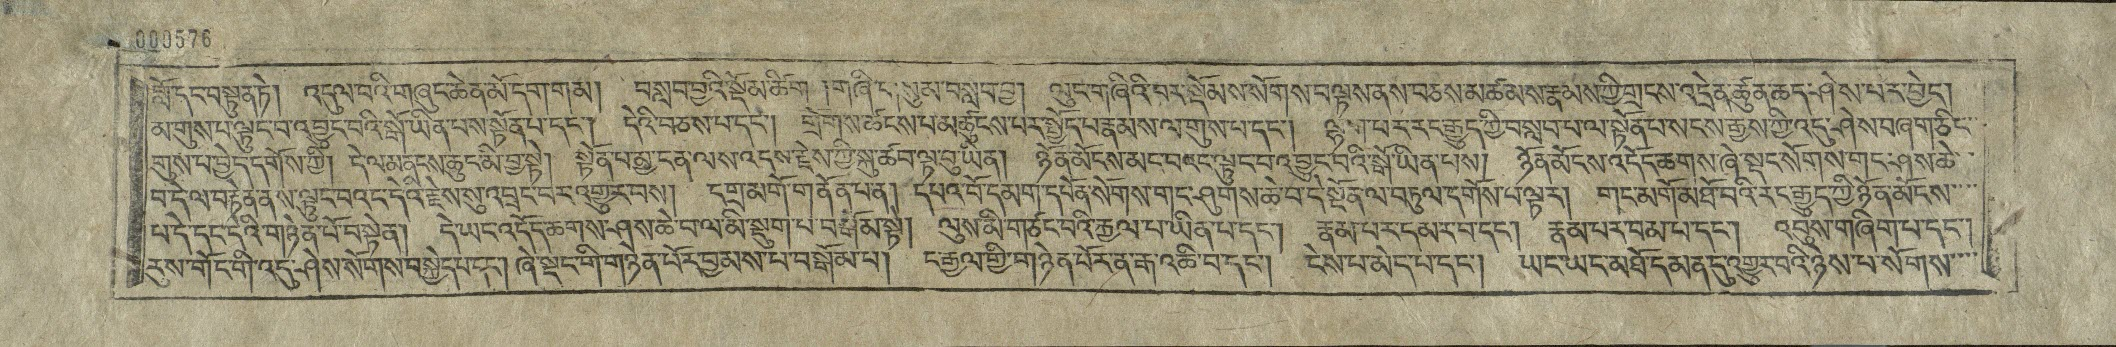བློ་དང་བསྟུན་ཏེ། འདུལ་བའི་གཞུང་ཆེན་མོ་དག་གམ། བསླབ་བྱའི་སྡོམ་ཚིག །གཞི་གསུམ་བསླབ་བྱ། ལུང་གཞིའི་བར་སྡོམས་སོགས་བལྟས་ནས་བཅས་མཚམས་རྣམས་ཀྱི་གྲངས་འདྲེན་ཚུན་ཆད་ཤེས་པར་བྱེད།
མ་གུས་པ་ལྟུང་བ་འབྱུང་བའི་སྒོ་ཡིན་པས་སྟོན་པ་དང་། དེའི་བཅས་པ་དང་། གྲོགས་ཚངས་པ་མཚུངས་པར་སྤྱོད་པ་རྣམས་ལ་གུས་པ་དང་། ལྷག་པར་རང་རྒྱུད་ཀྱི་བསླབ་པ་ལ་སྟོན་པ་སངས་རྒྱས་ཀྱི་འདུ་ཤེས་བཞག་ཅིང་
གུས་པ་བྱེད་དགོས་ཀྱི། དེ་ལ་མནངས་ཆུང་མི་བྱ་སྟེ། སྟོན་པ་མྱ་ངན་ལས་འདས་རྗེས་ཀྱི་སྐུ་ཚབ་ལྟ་བུ་ཡིན། ཉོན་མོངས་མང་བའང་ལྟུང་བ་འབྱུང་བའི་སྒོ་ཡིན་པས། ཉོན་མོངས་འདོད་ཆགས་ཞེ་སྡང་སོགས་གང་ཤས་ཆེ་
བ་དེ་ལ་བརྟེན་ནས་ལྟུང་བའང་དེའི་རྗེས་སུ་འབྲང་བར་འགྱུར་བས། དགྲ་མགོ་གནོན་པ་ན། དཔའ་བོ་དམག་དཔོན་སོགས་གང་ཤུགས་ཆེ་བ་དེ་སྔོན་ལ་བཏུལ་དགོས་པ་ལྟར། གང་མགོ་མཐོ་བའི་རང་རྒྱུད་ཀྱི་ཉོན་མོངས་
པ་དེ་དང་དེའི་གཉེན་པོ་བསྟེན། དེ་ཡང་འདོད་ཆགས་ཤས་ཆེ་བ་ལ་མི་སྡུག་པ་བསྒོམ་སྟེ། ལུས་མི་གཙང་བའི་རྐྱལ་པ་ཡིན་པ་དང་། རྣམ་པར་དམར་བ་དང་། རྣམ་པར་བམ་པ་དང་། འབུས་གཞིག་པ་དང་།
རུས་གོང་གི་འདུ་ཤེས་སོགས་བསྐྱེད་པ་དང་། ཞེ་སྡང་གི་གཉེན་པོར་བྱམས་པ་བསྒོམ་པ། ང་རྒྱལ་གྱི་གཉེན་པོར་ན་རྒ་འཆི་བ་དང་། ངེས་པ་མེད་པ་དང་། ཡང་ཡང་མཐོ་དམན་དུ་འགྱུར་བའི་ཉེས་པ་སོགས་